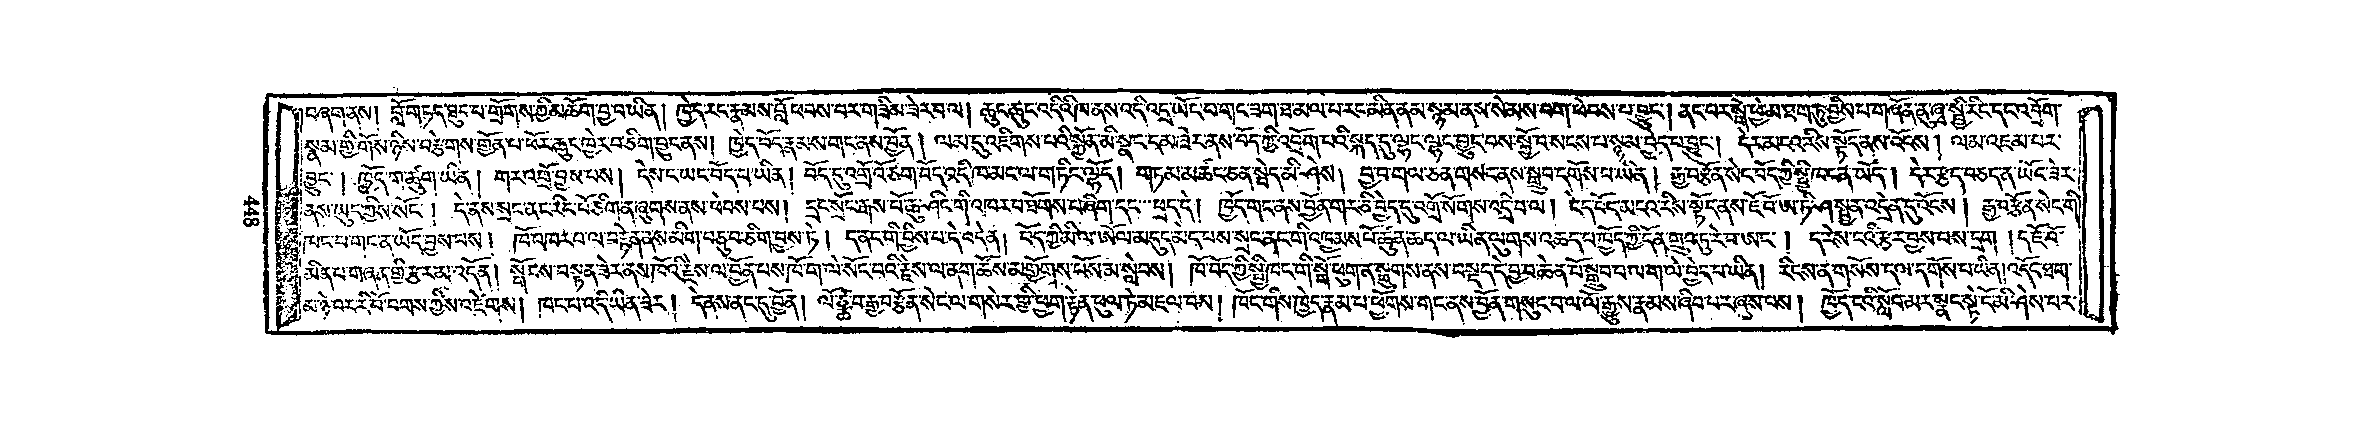བཞག་ནས། བློ་གཏད་ཐུང་པ་གྲོགས་ཀྱི་མཆོག་བྱ་བ་ཡིན། ཁྱེད་རང་རྣམས་བློ་ཕབས་པར་གཟིམ་ཟེར་བ་ལ། ཆུང་ཆུང་འདིའི་ཁ་ནས་འདི་འདྲ་ཡོང་བ་གང་ཟག་ཐ་མལ་པ་རང་མིན་ནམ་སྙམ་ནས་སེམས་བག་ཕེབས་པ་བྱུང་། ནང་པར་སྒེ་ཕྱེ་མ་ཐག་ཏུ་བྱིས་པ་གཞོན་ནུ་ཞྭ་སྤྱི་རིང་དང་འབྲོག་
སྣམ་གྱི་གོས་ཉིས་བརྩེགས་གྱོན་པ་ཕོར་ཆུང་ཁྱེར་བ་ཅིག་བྱུང་ནས། ཁྱེད་བོད་རྣམས་གང་ནས་བྱོན། ལམ་དུ་འཇིགས་པའི་སྐྱོན་མི་སྣང་དམ་ཟེར་ནས་བོད་ཀྱི་འབྲོག་པའི་སྐད་དུ་ལྷང་ལྷང་བྱུང་བས་སྐྱོ་བ་སངས་པ་སྙམ་བྱེད་པ་བྱུང་། དེར་མངའ་རིས་སྟོད་ནས་འོངས། ལམ་འཇམ་པར་
བྱུང་། ཁྱོད་ག་ཚུག་ཡིན། གར་འགྲོ་བྱས་པས། དེས་ང་ཡང་བོད་པ་ཡིན། བོད་དུ་འགྲོ་འོ་ཅག་བོད་འདི་ཁ་མང་ལ་གཏིང་ལྷོད། གཏམ་མཚང་ཅན་སྦེད་མི་ཤེས། བྱ་བ་གལ་ཅན་གསང་ནས་སྒྲུབ་དགོས་པ་ཡིན། རྒྱ་བརྩོན་སེང་བོད་ཀྱི་སྤྱི་ཁང་ན་ཡོད། དེར་རྩད་བཅད་ན་ཡོང་ཟེར་
ནས་ཡུད་ཀྱིས་སོང་། དེ་ནས་སྲང་ནང་རིང་པོ་ཅིག་ན་ཞུགས་ནས་ཕེབས་པས། དྲང་སྲོང་རྒས་པོ་ཆུ་ཤིང་གི་འཁར་བ་ཐོགས་པ་ཞིག་དང་ཕྲད་དེ། ཁྱོད་གང་ནས་བྱོན་གར་ཅི་བྱེད་དུ་འགྲོ་སོགས་འདྲི་བ་ལ། ངེད་བོད་མངའ་རིས་སྟོད་ནས་ཇོ་བོ་ཨ་ཏི་ཤ་སྤྱན་འདྲེན་དུ་འོངས། རྒྱ་བརྩོན་སེང་གི་
ཁང་པ་གང་ན་ཡོད་བྱས་པས། ཁོ་འཁར་བ་ལ་བརྟེན་ནས་མིག་བཅུ་བ་ཅིག་བྱས་ཏེ། ད་ནང་གི་བྱིས་པ་དེ་བདེན། བོད་ཀྱི་མི་ལ་ཨོལ་མདུད་མེད་པས་སྲང་ནང་གི་འཁྱམས་པོ་ཚུན་ཆད་ལ་ཡིན་ལུགས་འཆད་པ་ཁྱོད་ཀྱི་དོན་གྲུབ་ཏུ་རེ་བ་ཨང་། ད་རེས་ངའི་རྩར་བྱས་པས་དྲག །ད་ཇོ་བོ་
མིན་པ་གཞན་གྱི་རྩར་མ་འདོན། སྒོངས་བསྟན་ཟེར་ནས་ཁོའི་རྗེས་ལ་བྱོན་པས་ཁོ་ག་ལེ་སོང་བའི་རྗེས་ལ་ནག་ཚོས་མགྱོགས་པོས་མ་སླེབས། ཁོ་བོད་ཀྱི་སྤྱི་ཁང་གི་སྒོ་ཕུག་ན་སྒུགས་ནས་བསྡད་དེ་བྱ་བ་ཆེན་པོ་སྒྲུབ་པ་ལ་ག་ལེ་བྱེད་པ་ཡིན། རིངས་ན་གསོས་དལ་དགོས་པ་ཡིན། འདོང་ཐག་
མ་ཉེ་བར་རི་བོ་བགས་ཀྱིས་འཛེགས། ཁང་པ་འདི་ཡིན་ཟེར། དེ་ནས་ནང་དུ་བྱོན། ལོ་ཙྪ་བ་རྒྱ་བརྩོན་སེང་ལ་གསེར་གྱི་ཕྱག་རྟེན་ཕུལ་ཏེ་མཇལ་བས། ཁོང་གིས་ཁྱེད་རྣམ་པ་ཕྱོགས་གང་ནས་བྱོན་གསུང་བ་ལ་ལོ་རྒྱུས་རྣམས་ཞིབ་པར་ཞུས་པས། ཁྱོད་ངའི་སློབ་མར་སྣང་སྟེ་ངོ་མི་ཤེས་པར་